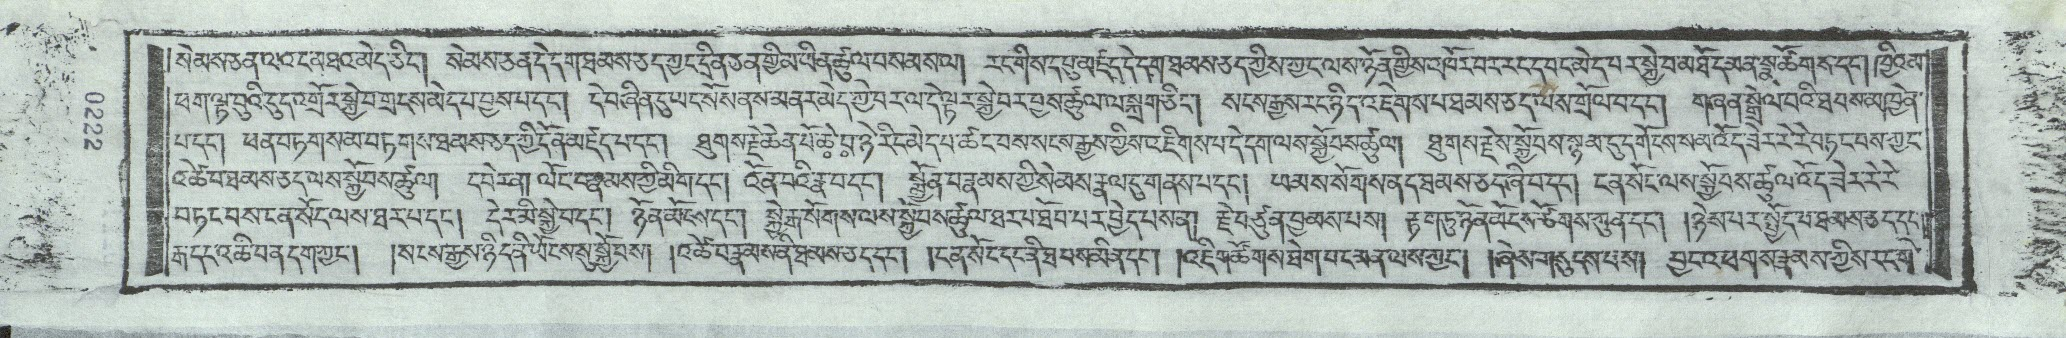སེམས་ཅན་ལའང་མཐའ་མེད་ཅིང་། སེམས་ཅན་དེ་དག་ཐམས་ཅད་ཀྱང་དྲིན་ཅན་གྱི་མ་ཡིན་ཚུལ་བསམས་ལ། རང་གིས་དཔུ་མཛད་དེ་དག་ཐམས་ཅད་ཀྱིས་ཀྱང་ལས་ཉོན་གྱིས་འཁོར་བར་རང་དབང་མེད་པར་སྐྱེ་བ་མཐོ་དམན་སྣ་ཚོགས་དང་། ཁྱིའམ་
ཕག་ལྟ་བུའི་དུད་འགྲོར་སྐྱེ་བ་གྲངས་མེད་པ་བྱས་པ་དང་། དེ་བཞིན་དུ་ཡང་སོས་ནས་མནར་མེད་ཀྱི་བར་ལ་དེ་ལྟར་སྐྱེ་བར་བྱས་ཚུལ་ལ་སྐྲག་ཅིང་། སངས་རྒྱས་རང་ཉིད་འཇིགས་པ་ཐམས་ཅད་ལས་གྲོལ་བ་དང་། གཞན་སྒྲོལ་བའི་ཐབས་མཁྱེན་
པ་དང་། ཕན་བཏགས་མ་བཏགས་ཐམས་ཅད་ཀྱི་དོན་མཛད་པ་དང་། ཐུགས་རྗེ་ཆེན་པོ་ཆེ་བ་ཉེ་རིང་མེད་པ་ཚང་བས་སངས་རྒྱས་ཀྱིས་འཇིགས་པ་དེ་དག་ལས་སྐྱོབས་ཚུལ། ཐུགས་རྗེས་སྐྱོབས་སྙམ་དུ་དགོངས་སམ་འོད་ཟེར་རེ་རེ་བཏང་བས་ཀྱང་
འཚེ་བ་ཐམས་ཅད་ལས་སྐྱོབས་ཚུལ། དཔེར་ན། ལོང་བ་རྣམས་ཀྱི་མིག་དང་། འོན་བའི་རྣ་བ་དང་། སྨྱོན་པ་རྣམས་ཀྱི་སེམས་རྣལ་དུ་གནས་པ་དང་། ཡམས་སོགས་ནད་ཐམས་ཅད་ཞི་བ་དང་། ངན་སོང་ལས་སྐྱོབས་ཚུལ་འོད་ཟེར་རེ་རེ་
བཏང་བས་ངན་སོང་ལས་ཐར་པ་དང་། དེར་མི་སྐྱེ་བ་དང་། ཉོན་མོངས་དང་། སྐྱེ་རྒ་སོགས་ལས་སྐྱོབས་ཚུལ་ཐར་པ་ཐོབ་པར་བྱེད་པས་ན། རྗེ་བཙུན་བྱམས་པས། རྟག་ཏུ་ཉོན་མོངས་ཚོགས་ཀུན་དང་། །ཉེས་པར་སྤྱོད་པ་ཐམས་ཅད་དང།།
རྒ་དང་འཆི་བ་ན་དག་ཀྱང་། །སངས་རྒྱས་ཉིད་ནི་ཡོངས་སུ་སྐྱོབས། །འཚེ་བ་རྣམས་ནི་ཐམས་ཅད་དང་། །ངན་སོང་དང་ནི་ཐབས་མིན་དང་། །འཇིག་ཚོགས་ཐེག་པ་དམན་ལས་ཀྱང་། །ཞེས་གསུངས་པས། བྱང་འཕགས་རྣམས་ཀྱིས་རང་གི་